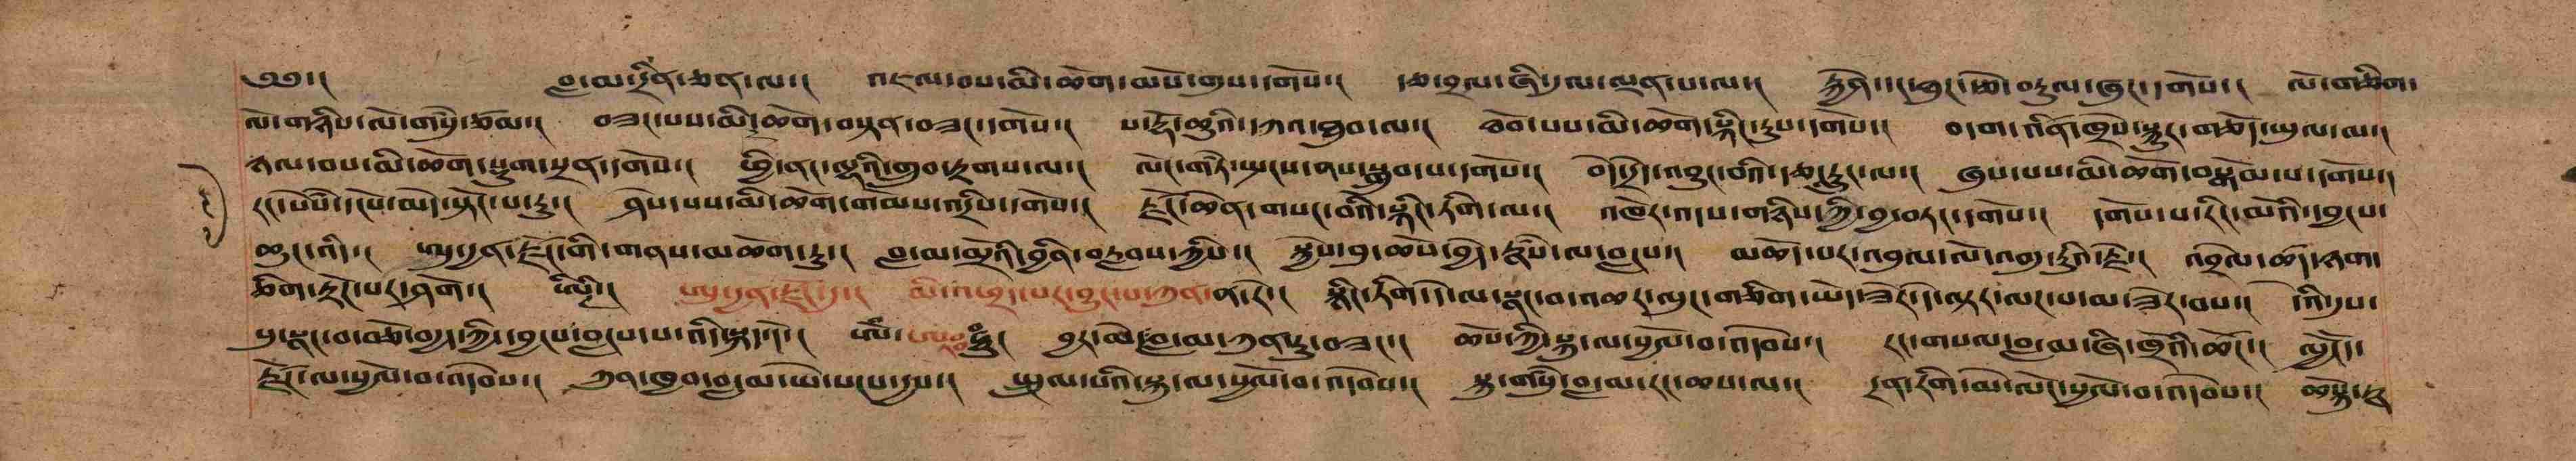༄༅།། བླ་མ་དྲིན་ཅན་ལ།། འཇལ་བས་མི་ཆོག་མོས་གུས་དགོས།། རྩ་བྲལ་ཞི་དུལ་ལྡན་པ་ལ།། སྐྱོིན་དང་ཐུགས་རྩེ་བརྟུལ་ཞུགས་དགོས།། ལོ་གཅིག་
ལོ་གཉིས་ལོ་གསུམ་ཙམ།། བཟང་པས་མི་ཆོག་བསྟན་བཟང་དགོས།། ས་རྡོ་ཆུའི་དཀའ་ཐུབ་ལ།། ཐོས་པས་མི་ཆོག་སྙིང་རུས་དགོས།། བདག་འཛིན་ཁྲེས་སྐྱུར་གཅོད་ཡུལ་ལ།།
ཉལ་བས་མི་ཆོག་སྡུག་བསྲན་དགོས།། ཕྱི་ནང་ལྷའི་གྲུབ་རྟགས་ལ།། ལོང་གཏམ་སྤངས་ནས་སྒྲུབ་པ་དགོས།། བདེ་དྲོད་འབྱུང་བའི་རྩ་རླུང་ལ།། ཞུས་པས་མི་ཆོག་བསྒོམ་པ་དགོས།། 
རང་སེམས་དངོས་མེད་སྟོང་པ་རུ།། ཤེས་པས་མི་ཆོག་གོམས་འདྲིས་དགོས།། རྫོགས་ཆེན་གསང་བའི་སྙིང་ཏིག་ལ།། འཁོར་འདས་གཉིས་ཀྱི་བྱ་བཏང་དགོས།། དགོས་པ་རིང་མོའི་དབྱངས་
ཆུང་འདི།། ཨུ་རྒྱན་རྫོང་གི་གནས་མཆོག་ཏུ།། བླ་མ་མཁའ་འགྲོའི་བྱིན་བརླབས་ཀྱིས།། སྐྱེས་བུ་ཆོས་བྱེད་རྣམས་ལ་བླངས།། མཆོད་པར་འབུལ་ལོ་འགུ་རུའི་རྗེ།། འབྲེལ་ཚད་ཉག་
ཅིག་རྟོགས་པར་ཤོག། ཨིཊི།། ཨུ་རྒྱན་རྫོང་དུ།། མི་འཕྲད་པར་བྱུང་བ་ཀུན་ན་རེ།། སྙིང་ཏིག་དེ་ལ་སྣང་བ་འཆར་ལུགས་གཅིག་ཡོད་ཟེར་དེ་ལྟར་ལགས་པ་ལ་ཟེར་བས།། དེའི་དུས་
སུ་སྣང་བ་བཅོ་བརྒྱད་ཀྱི་དབྱངས་བླངས་པ་འདི་སྐད་དོ།། ཨོཾ་ཨཱཿཧཱུཾ། བྱར་མེད་བླ་མ་ཀུན་ཏུ་བཟང་།། ཆོས་ཀྱི་སྐུ་ལ་གསོལ་བ་འདེབས།། རང་གསལ་བླ་མ་ཞི་ཁྲོའི་ཚོགས།། ལོངས་སྤྱོད་
རྫོགས་ལ་གསོལ་བ་འདེབས།། ཀུན་ཁྱབ་བླ་མ་ཡེ་སངས་རྒྱས།། སྤྲུལ་པའི་སྐུ་ལ་གསོལ་བ་འདེབས།། སྐུ་གསུམ་བླ་མ་རང་ཆས་ལ།། དྲན་རིག་མེ་ལོང་གསོལ་བ་འདེབས།། ཆོས་སྐུ་རྣམ་